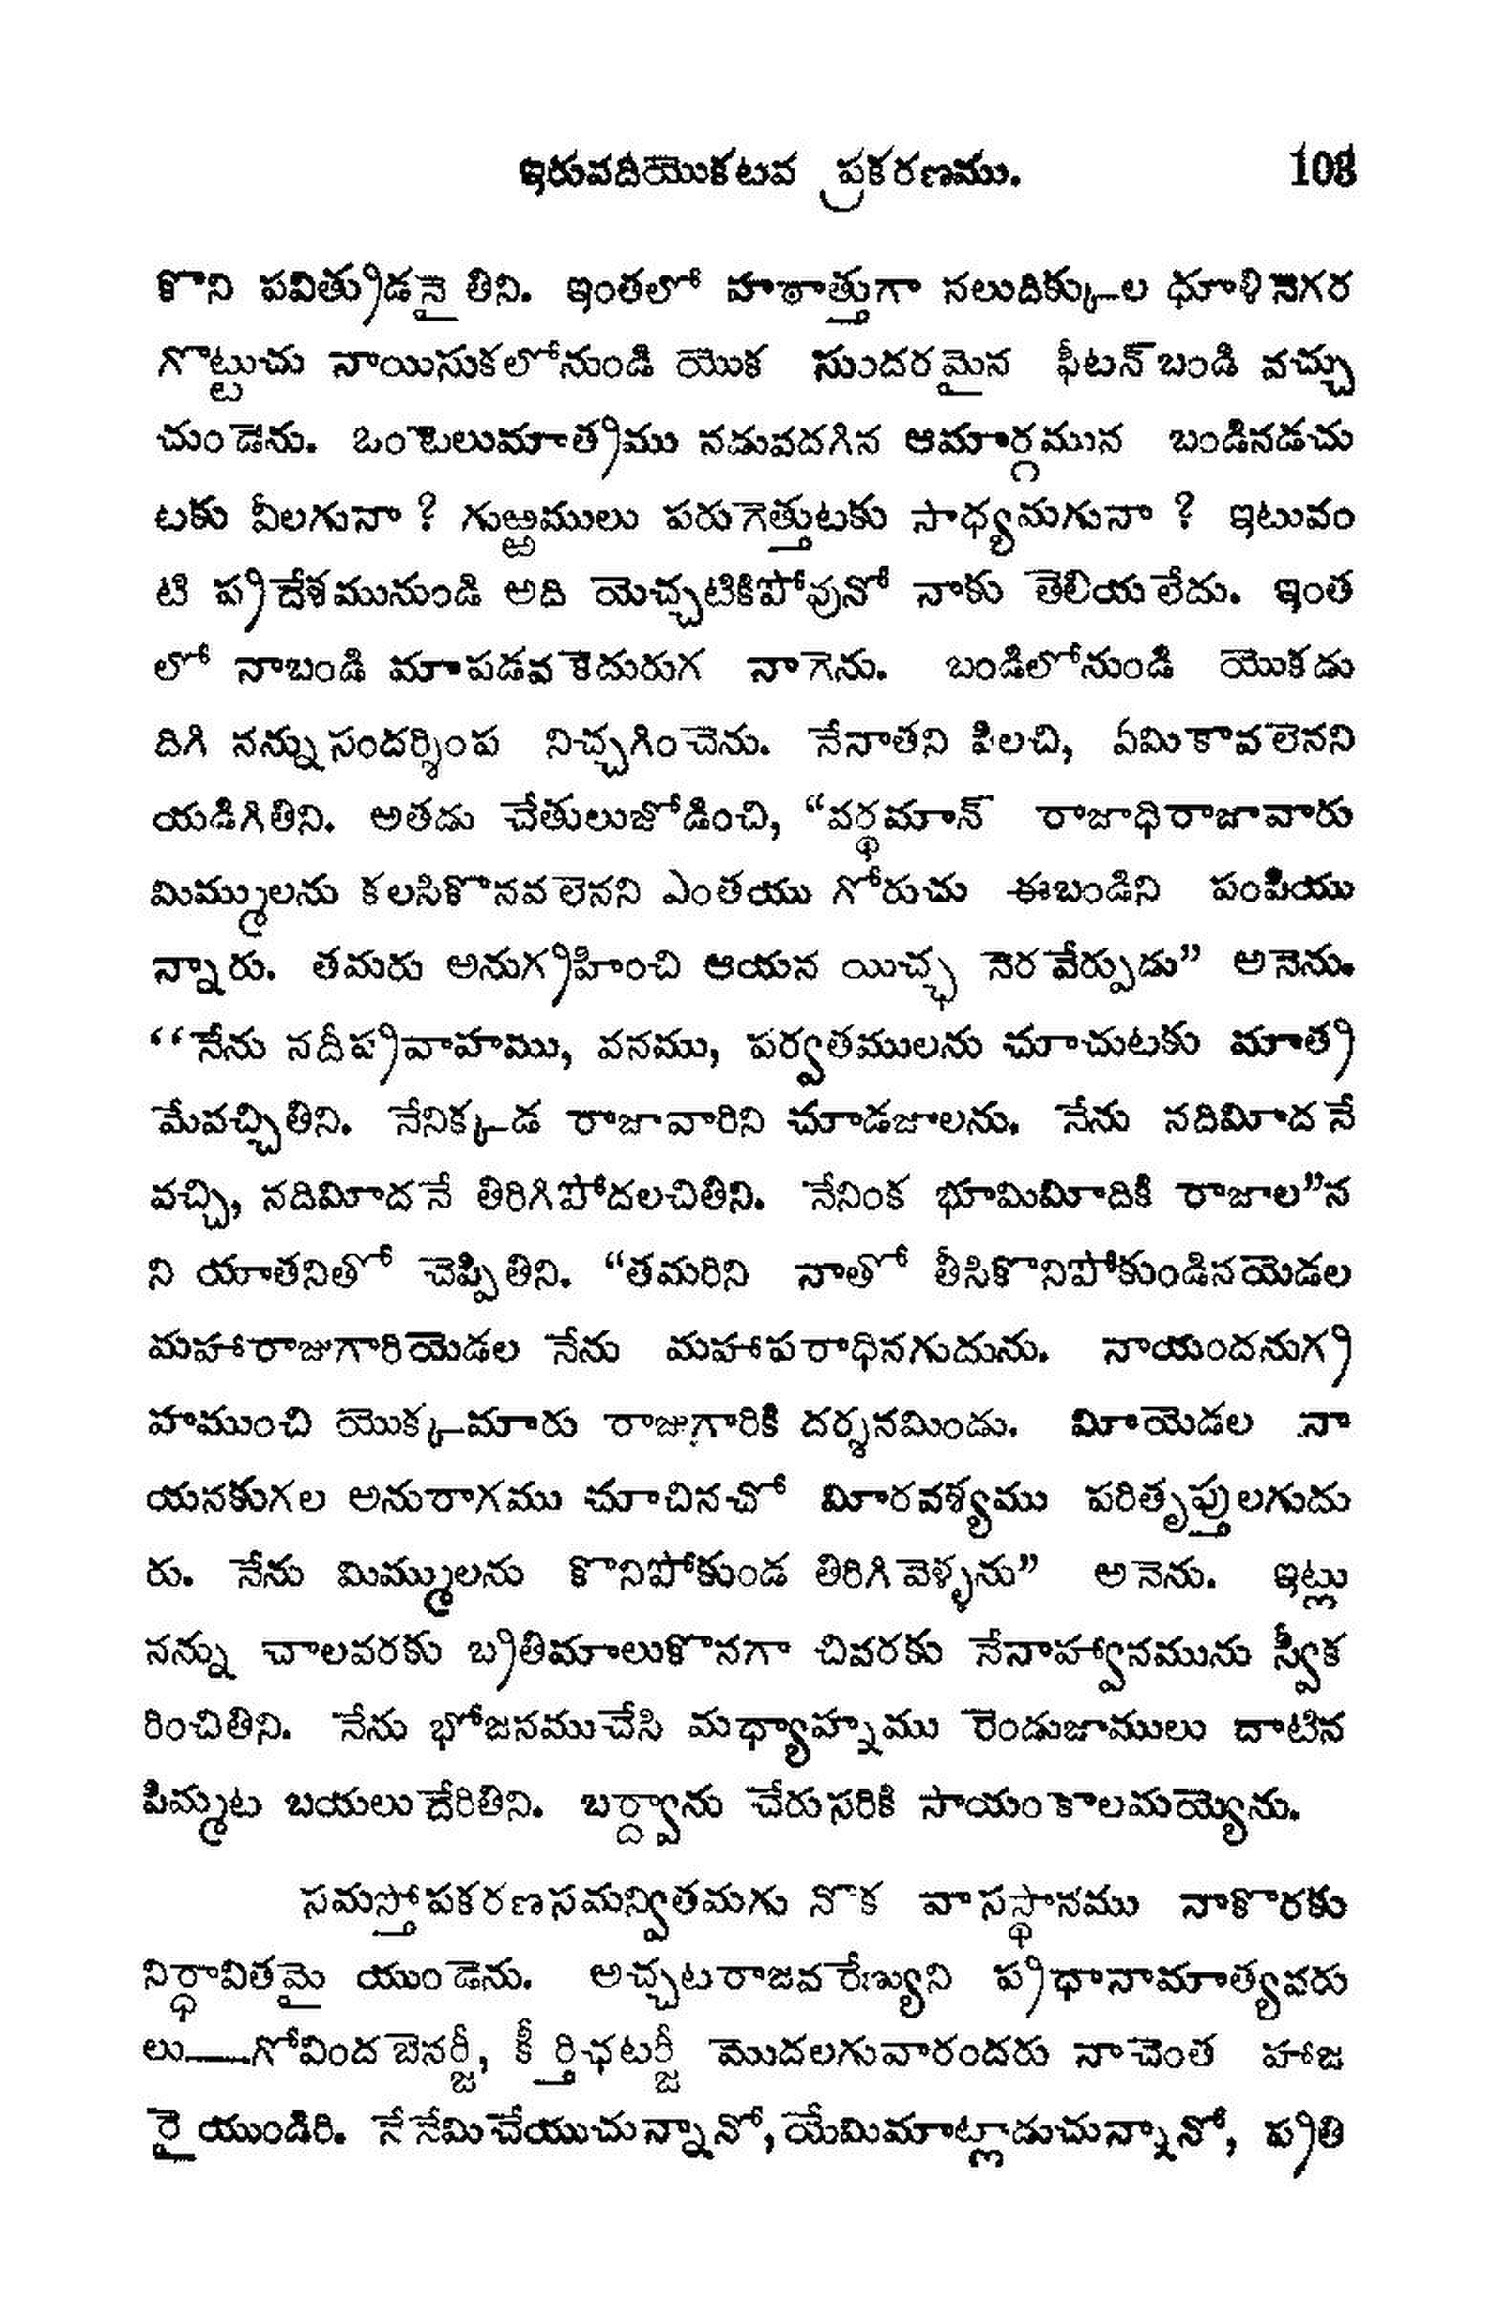కొని పవితుడనైతిని. ఇంతలో హఠాత్తుగా నలుదిక్కుల ధూళి నెగర
గొట్టుచు నాయిసుకలో నుండి యొక సుందరమైన ఫీటన్ బండి వచ్చు
చుండెను. ఒంటెలుమాత్రము నడువదగిన ఆమార్గమున బండినడచు
టకు వీలగునా ? గుఱ్ఱములు పరుగెత్తుటకు సాధ్యమగునా ? ఇటువంటి
 ప్రదేశమునుండి అది యెచ్చటికిపోవునో నాకు తెలియ లేదు. ఇంత
లో నాబండి మాపడవ కెదురుగ నాగెను. బండిలో నుండి యొకడు
దిగి నన్ను సందర్శింప నిచ్చగించెను. నేనాతని ఫిలచి, ఏమికావలెనని
యడిగితిని. అతడు చేతులు జోడించి, “వర్గమాన్ రాజాధిరాజావారు
మిమ్ములను కలసికొనవ లెనని ఎంతయు గోరుచు ఈ బండిని పంపియు 
న్నారు. తమరు అనుగ్రహించి ఆయన యిచ్ఛ నెర వేర్పుడు” అనెను
“ నేను నదీప్రవాహము, వనము, పర్వతములను చూచుటకు మాత్ర
మేవచ్చి తిని. 'నేనిక్కడ రాజావారిని చూడజూలను, నేను నదిమీదనే
వచ్చి, నదిమీదనే తిరిగిపో దలచితిని. 'నేనింక భూమిమీదికి రాజాల”నని 
యాతనితో చెప్పితిని. “తమరిని నాతో తీసికొని పోకుండిన యెడల
మహా రాజుగారి యెడల నేను మహాపరాధి నగుదును. నాయందనుగ్ర
హముంచి యొక్క మారు రాజుగారికి దర్శనమిండు. మీయెడల నా
యనకుగల అనురాగము చూచినచో వారవశ్యము పరితృప్తులగుదురు
నేను మిమ్ములను కొనిపోకుండ తిరిగి వెళ్ళను” అనెను. ఇట్లు
నన్ను చాలవరకు బ్రతిమాలుకొనగా చివరకు నేనాహ్వానమును 
స్వీకరించితిని. 'నేను భోజనము చేసి మధ్యాహ్నము రెండుజాములు 
దాటిన పిమ్మట బయలు దేరితిని. బర్ద్వాను చేరు సరికి సాయం 
కాలమయ్యేను.

సమరోపకరణ సమన్వితమగు నొక వాసస్థానము నా కొరకు
నిర్ధావితమై యుండెను. అచ్చట రాజవరేణ్యుని ప్రధానామాత్య
వరులు. గోవింద బెనర్జీ, కీర్తిఛటర్జీ మొదలగు వారందరు 
నాచెంత హాజరై యుండిరి. నేనేమి చేయుచున్నానో, యేమి 
మాట్లాడుచున్నానో, ప్రతి